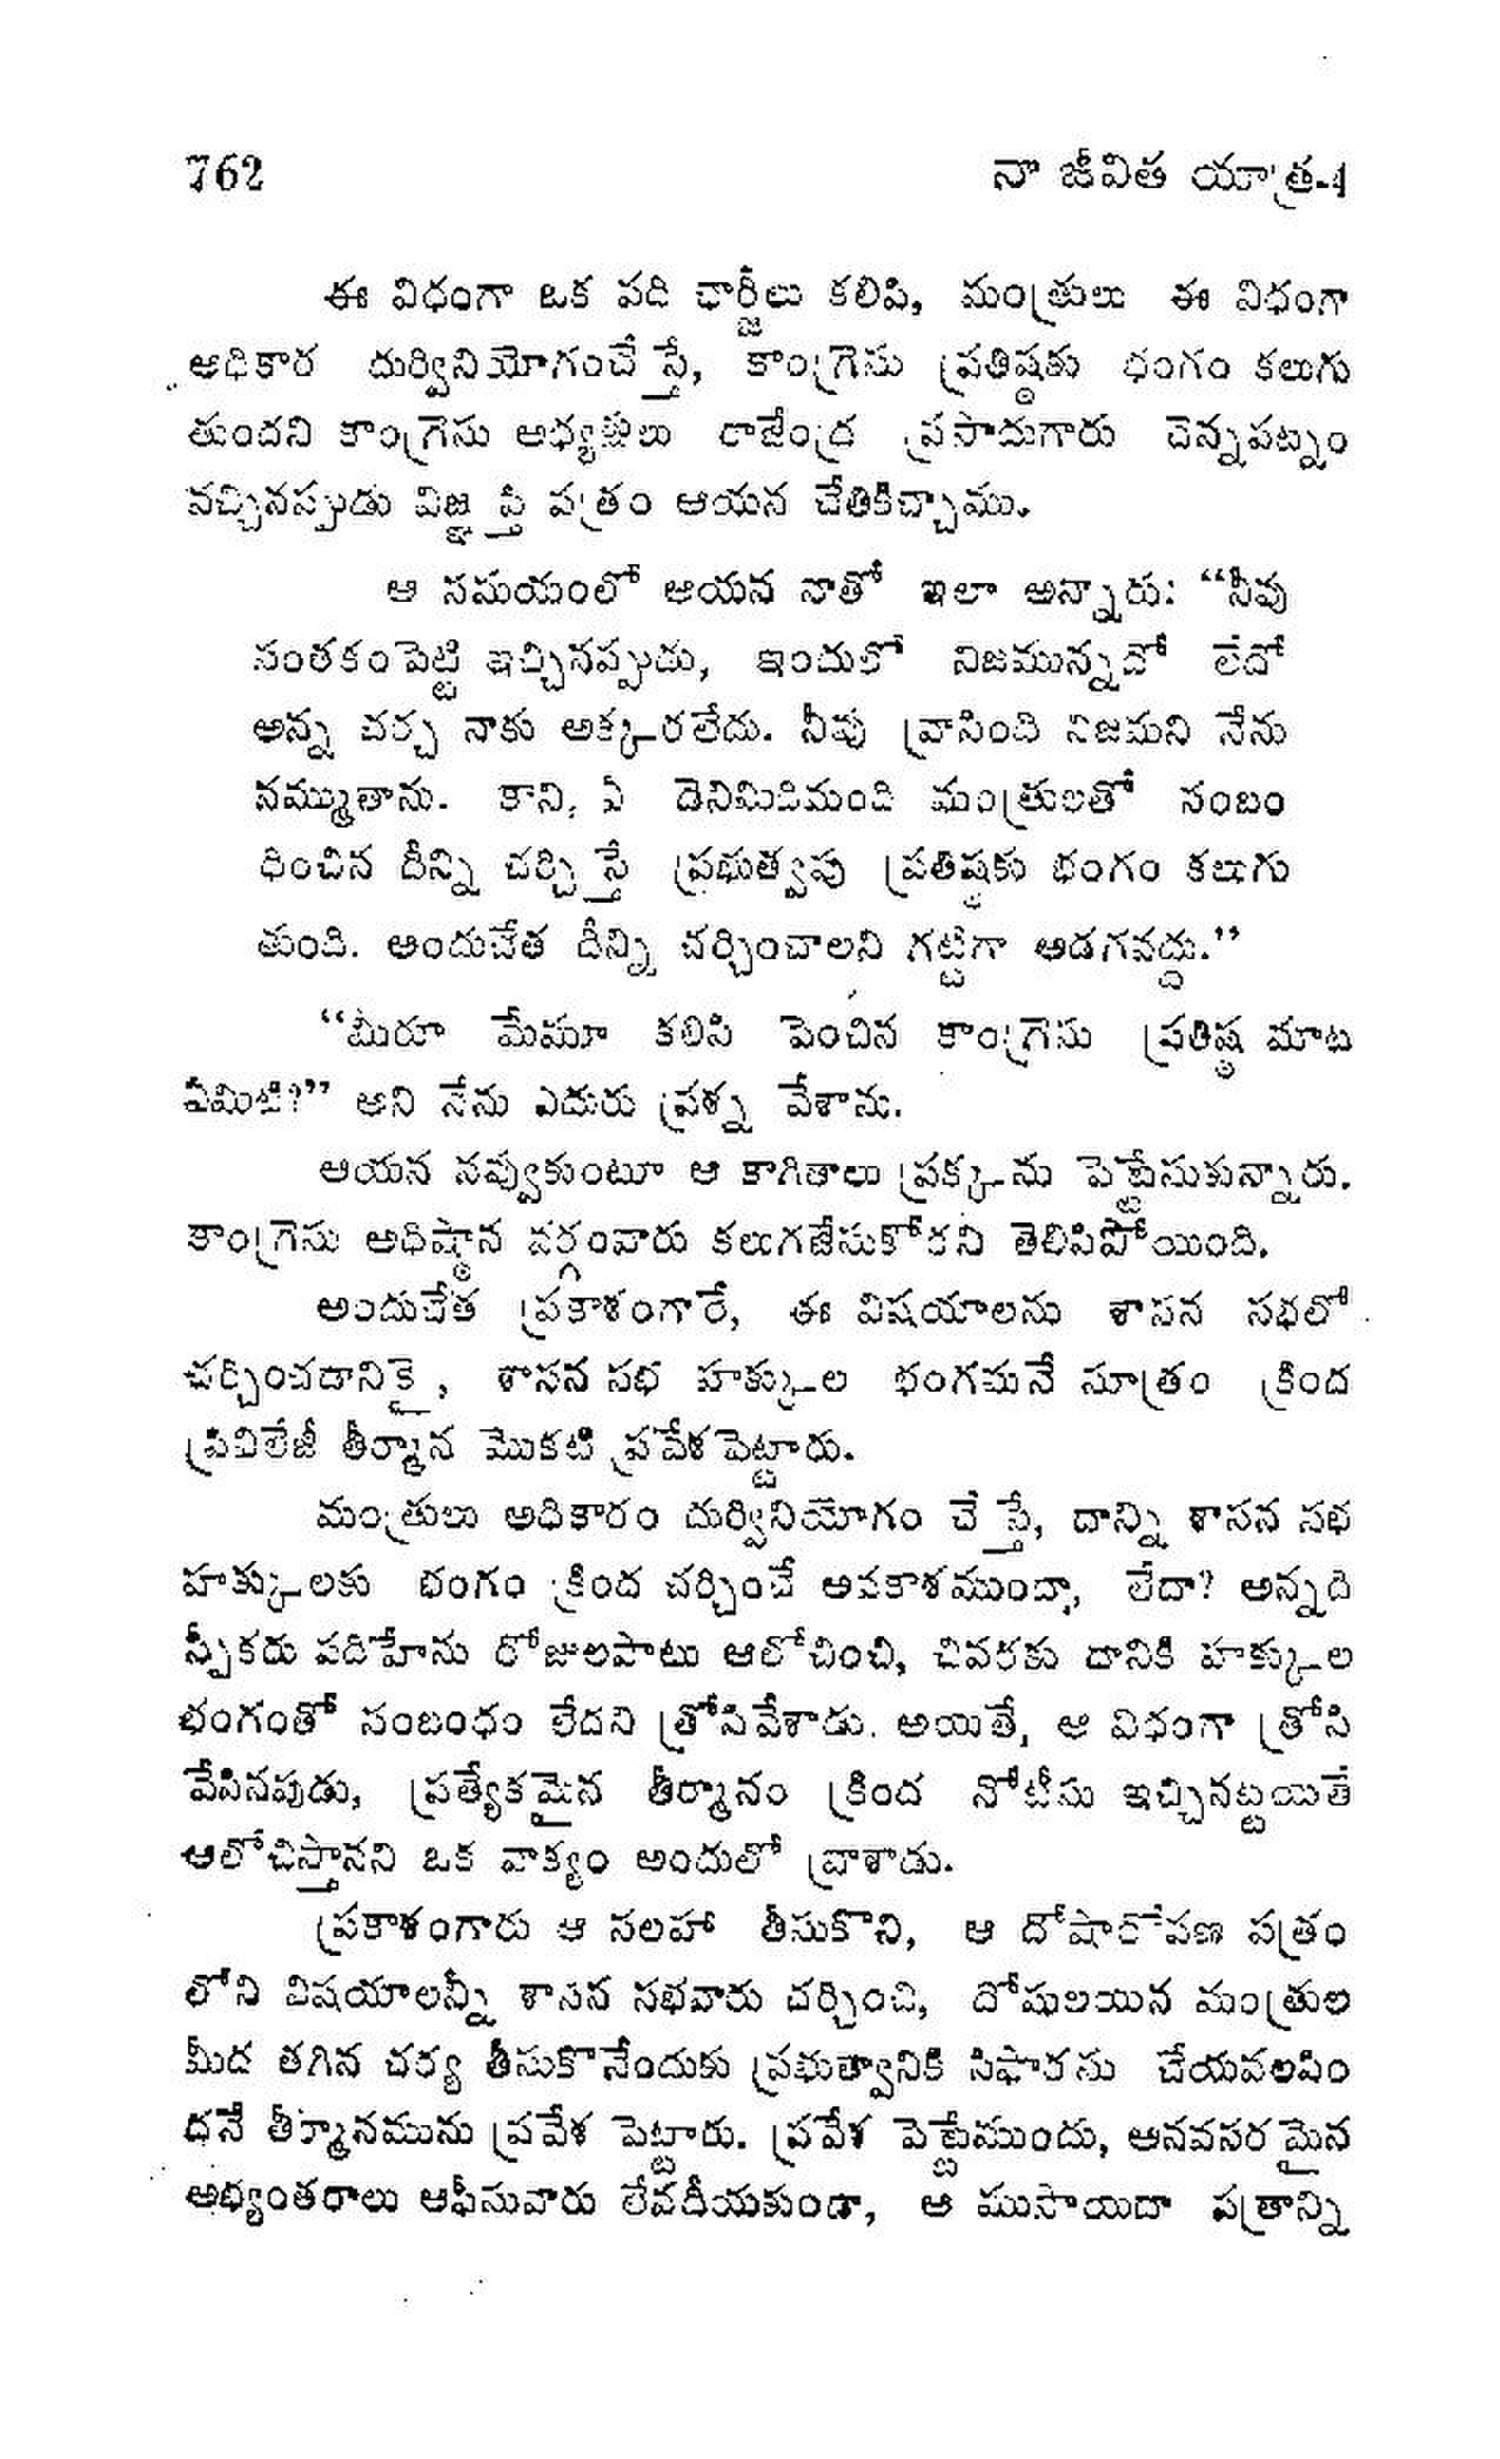ఈ విధంగా ఒక పది ఛార్జీలు కలిపి, మంత్రులు ఈ విధంగా అధికార దుర్వినియోగంచేస్తే, కాంగ్రెసు ప్రతిష్ఠకు భంగం కలుగుతుందని కాంగ్రెసు అధ్యక్షులు రాజేంద్ర ప్రసాదుగారు చెన్నపట్నం వచ్చినప్పుడు విజ్ఞప్తి పత్రం ఆయన చేతికిచ్చాము.

అ సమయంలో ఆయన నాతో ఇలా అన్నారు: "నీవు సంతకంపెట్టి ఇచ్చినప్పుడు, ఇందులో నిజమున్నదో లేదో అన్న చర్చ నాకు అక్కరలేదు. నీవు వ్రాసింది నిజమని నేను నమ్ముతాను. కాని, ఏ డెనిమిదిమంది మంత్రులతో సంబంధించిన దీన్ని చర్చిస్తే ప్రభుత్వపు ప్రతిష్ఠకు భంగం కలుగుతుంది. అందుచేత దీన్ని చర్చించాలని గట్టిగా అడగవద్దు."

"మీరూ మేమూ కలిసి పెంచిన కాంగ్రెసు ప్రతిష్ఠ మాట ఏమిటి?" అని నేను ఎదురు ప్రశ్న వేశాను.

ఆయన నవ్వుకుంటూ ఆ కాగితాలు ప్రక్కను పెట్టేసుకున్నారు. కాంగ్రెసు అధిష్ఠాన వర్గంవారు కలుగజేసుకోరని తెలిసిపోయింది.

అందుచేత ప్రకాశంగారే, ఈ విషయాలను శాసన సభలో చర్చించడానికై, శాసన సభ హక్కుల భంగమనే సూత్రం క్రింద ప్రివిలేజీ తీర్మాన మొకటి ప్రవేశపెట్టారు.

మంత్రులు అధికారం దుర్వినియోగం చేస్తే, దాన్ని, శాసన సభ హక్కులకు భంగం క్రింద చర్చించే అవకాశముందా, లేదా? అన్నది స్పీకరు పదిహేను రోజులపాటు ఆలోచించి, చివరకు దానికి హక్కుల భంగంతో సంబంధం లేదని త్రోసివేశాడు. అయితే, ఆ విధంగా త్రోసివేసినపుడు, ప్రత్యేకమైన తీర్మానం క్రింద నోటీసు ఇచ్చినట్టయితే ఆలోచిస్తానని ఒక వాక్యం అందులో వ్రాశాడు.

ప్రకాశంగారు ఆ సలహా తీసుకొని, ఆ దోషారోపణ పత్రంలోని విషయాలన్నీ శాసన సభవారు చర్చించి, దోషులయిన మంత్రుల మీద తగిన చర్య తీసుకొనేందుకు ప్రభుత్వానికి సిఫారసు చేయవలసిందనే తీర్మానమును ప్రవేశ పెట్టారు. ప్రవేశ పెట్టేముందు, అనవసరమైన అభ్యంతరాలు ఆఫీసువారు లేవదీయకుండా, ఆ ముసాయిదా పత్రాన్ని